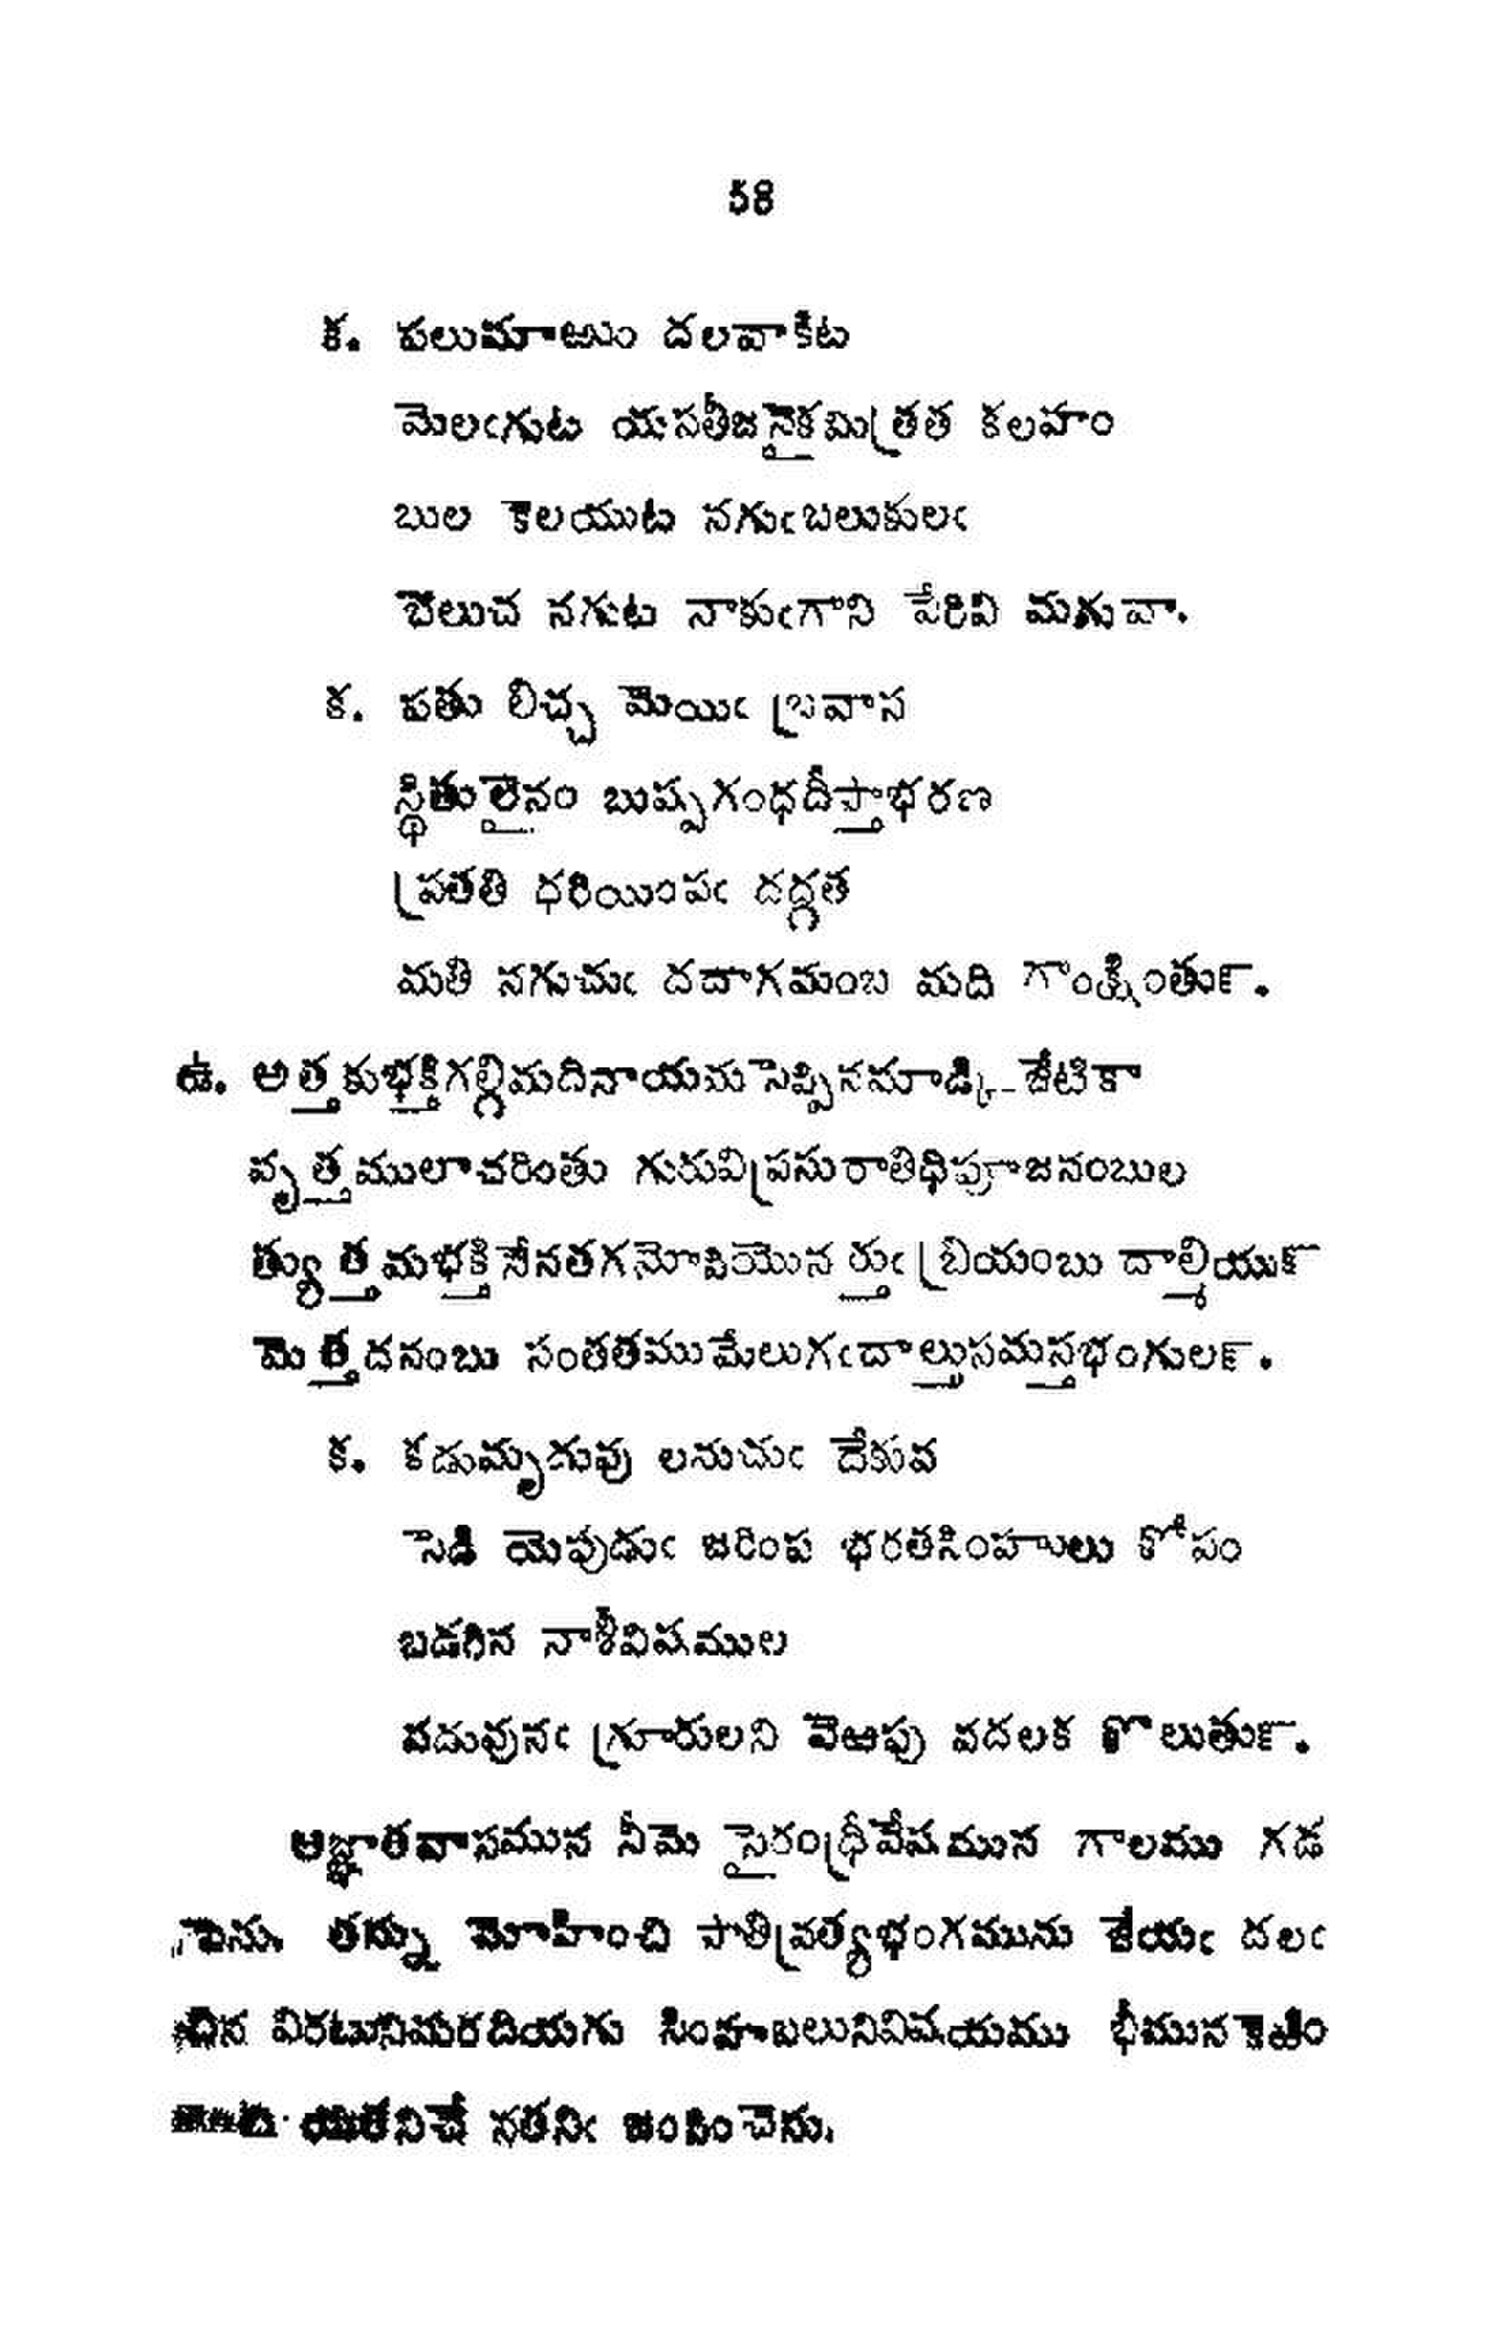క. పలుమాఱుం దలవాకిట
 మెలఁగుట యసతీజనైకమిత్రత కలహం
 బుల కెలయుట నగుఁబలుకులఁ
 బెలుచ నగుట నాకుఁగాని పేరివి మగువా.

క. పతు లిచ్చ మెయిఁ బ్రవాస
 స్థితులైనం బుష్పగంధదీప్తాభరణ
 ప్రతతి ధరియింపఁ దద్గత
 మతి నగుచుఁ దదాగమంబ మది గాంక్షింతున్.

ఉ. అత్తకుభక్తిగల్గిమదినాయమసెప్పినమాడ్కి జేటికా
 వృత్తములాచరింతు గురువిప్రసురాతిధిపూజనంబుల
 త్యుత్తమభక్తినేనతగనోపియొనర్తుఁ బ్రియంబు దాల్మియున్
 మెత్తదనంబు సంతతముమేలుగఁదాల్తుసమస్తభంగులన్.

క. కడుమృదువు లనుచుఁ దేకువ
 సెడి యెపుడుఁ జరింప భరతసింహులు కోపం
 బడరిన నాశీవిషముల
 పడువునఁ గ్రూరులని వెఱపు వదలక కొలుతున్.
అజ్ఞాతవాసమున నీమె సైరంద్రీవేషమున గాలము గడపెను. తన్ను మోహించి పాతివ్రత్యభంగమును జేయఁ దలఁచిన విరటుని మరదియగు సింహబలునివిషయము భీమునకెఱింగించి యతనిచే నతనిఁ జంపించెను.